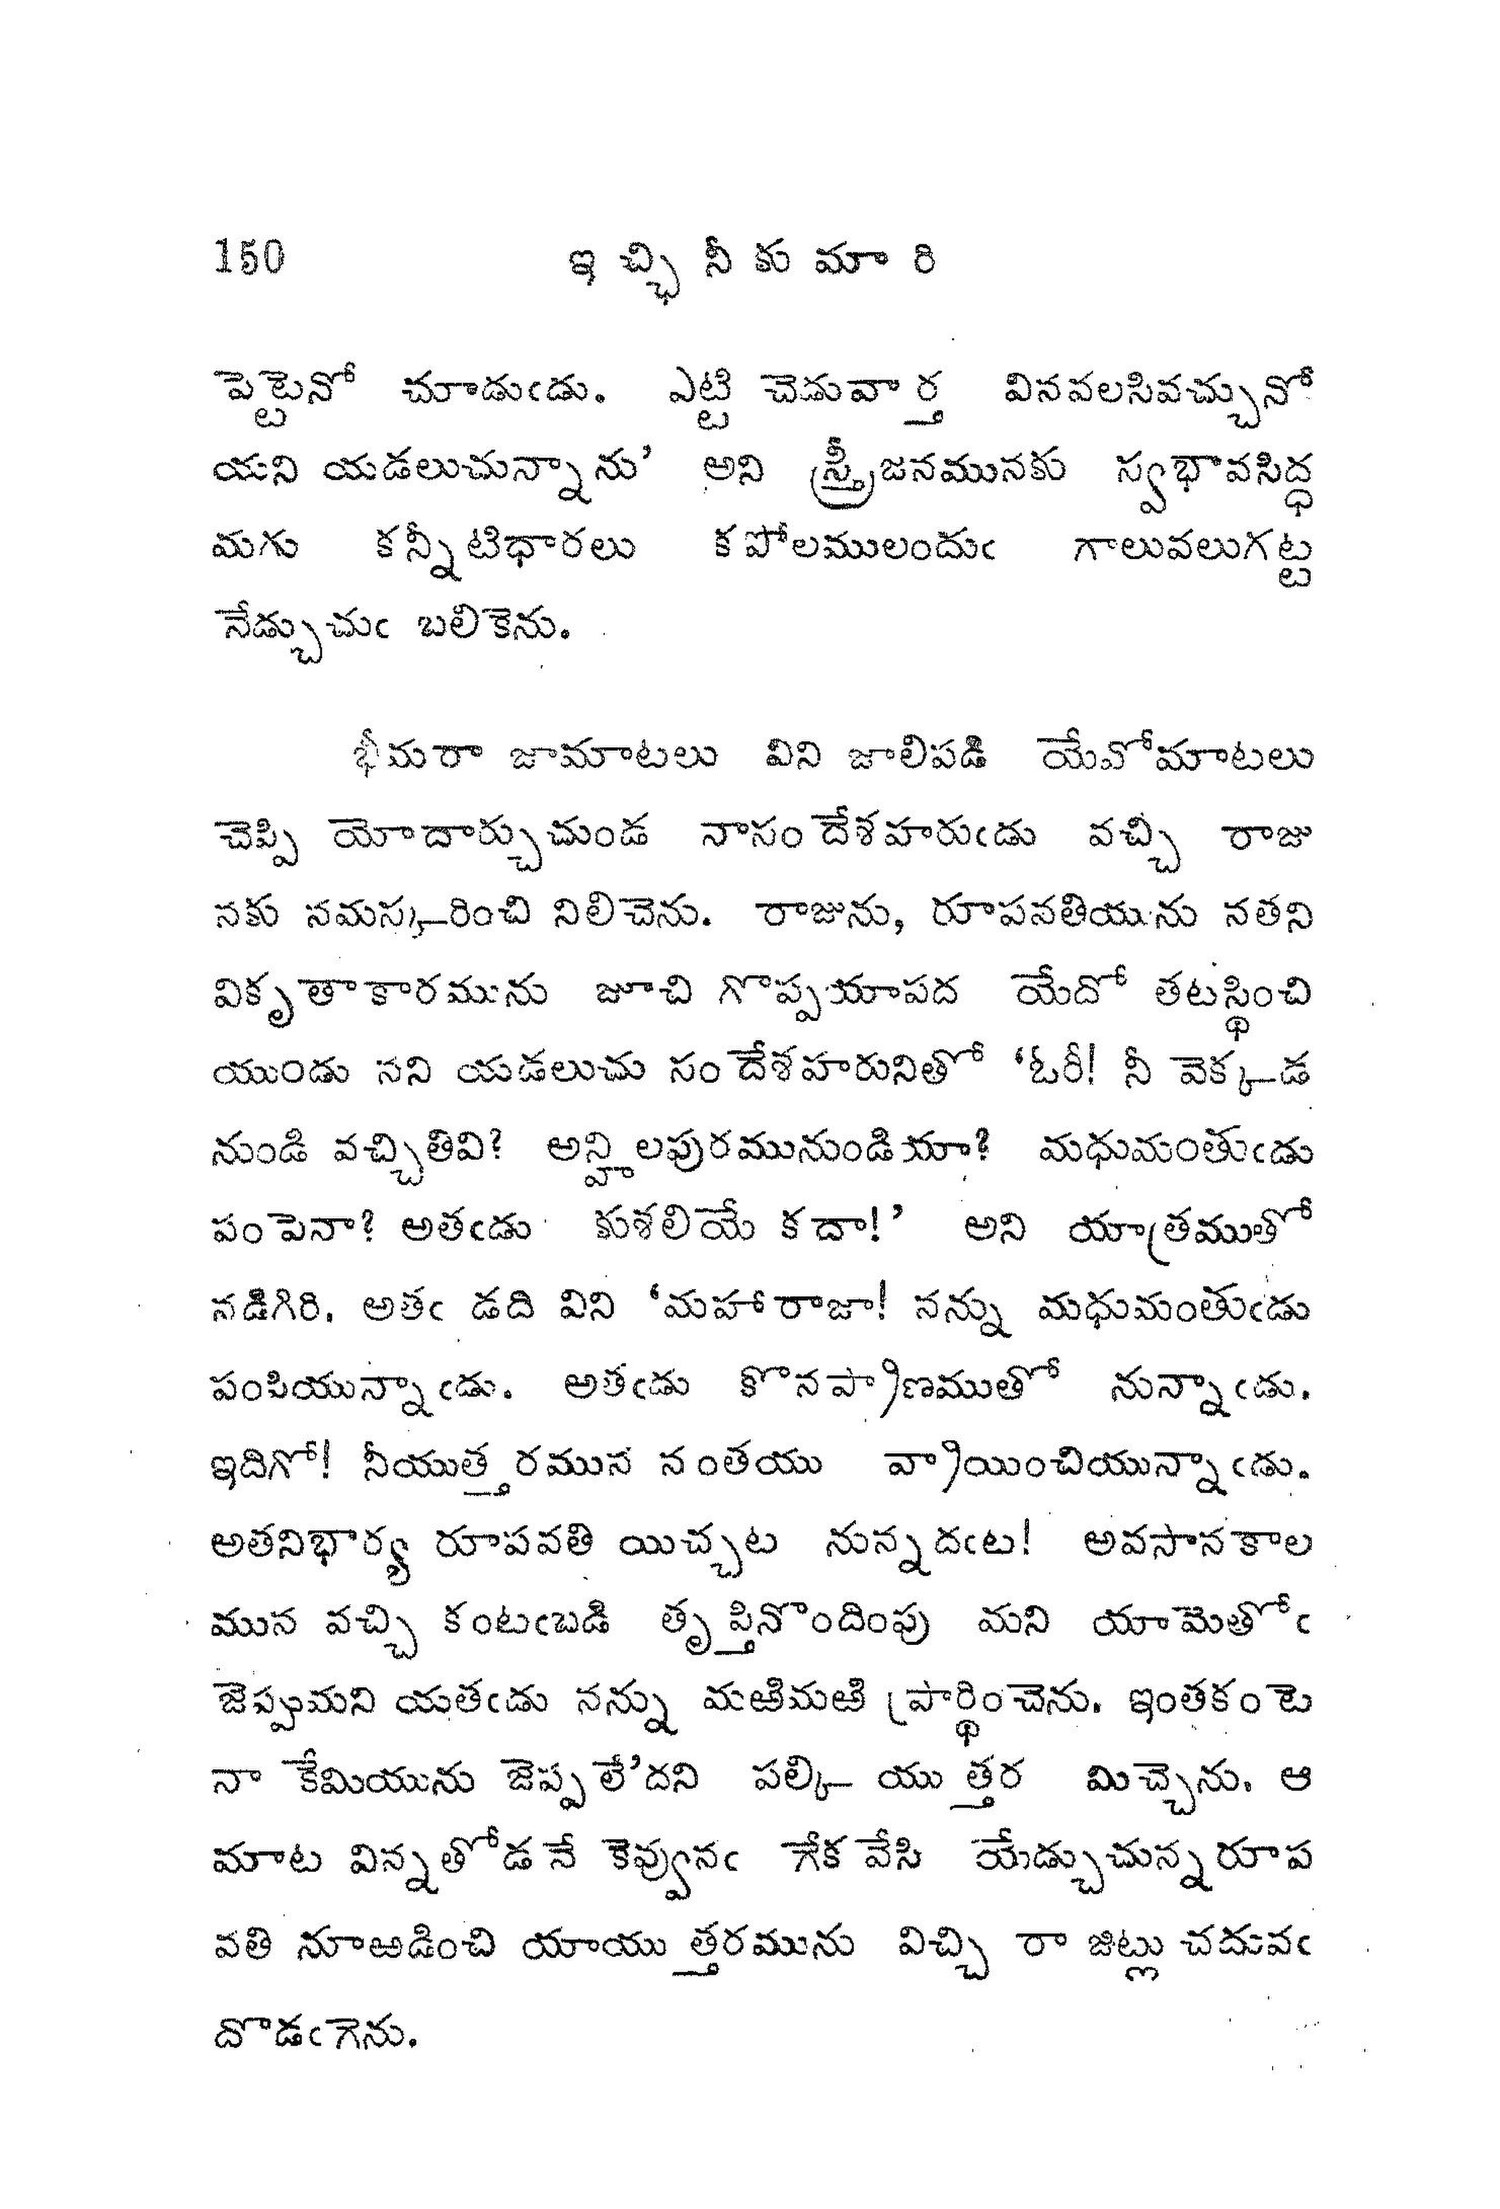పెట్టెనో చూడుఁడు. ఎట్టి చెడువార్త వినవలసివచ్చునో
యని యడలుచున్నాను' అని స్త్రీ జనమునకు స్వభావసిద్ధ
కన్నీటిధారలు కపోలములందుఁ గాలువలుగట్ట
నేడ్చుచుఁ బలికెను.

భీమగా జామాటలు వీని జాలిపడి యేవోమాటలు
చెప్పి యోదార్చుచుండ నాసం దేశహరుఁడు వచ్చి రాజు
నకు నమస్కరించి నిలిచెను. రాజును, రూపనతియును నతని
వికృతాకారమును జూచి గొప్ప యాపద యేదో
తటస్థించియుండు నని యడలుచు సందేశహరునితో 'ఓరీ! నీ వెక్కడ
నుండి వచ్చితివి? అన్దిలపురమునుండి యా? మధుమంతుఁడు
పం పెనా? అతఁడు కుశలియే కదా! ” అని యాత్రముతో
నడిగిరి. అతఁ డది విని 'మహారాజా! నన్ను మధుమంతుఁడు
పంపియున్నాడు. అతఁడు కొన ప్రాణముతో నున్నాఁడు.
ఇదిగో! నీయుత్త రమున నంతయు వాయించియున్నాఁడు.
అతని భార్య రూపవతి యిచ్చట నున్నదఁట! అవసానకాల
మున వచ్చి కంటఁబడి తృప్తినొందింపు మని యామితో
జెప్పుమని యతఁడు నన్ను మఱిమఱి ప్రార్థించెను. ఇంతకంటే
నా కేమియును జెప్ప లేదని పల్కి యుత్తర మిచ్చెను. ఆ
మాట విన్నతోడ నే కెవ్వునఁ గేక వేసి యేడ్చుచున్న రూప
వతి నూఱడించి యాయుత్తరమును విచ్చి రాచదువం దొడఁగెను.